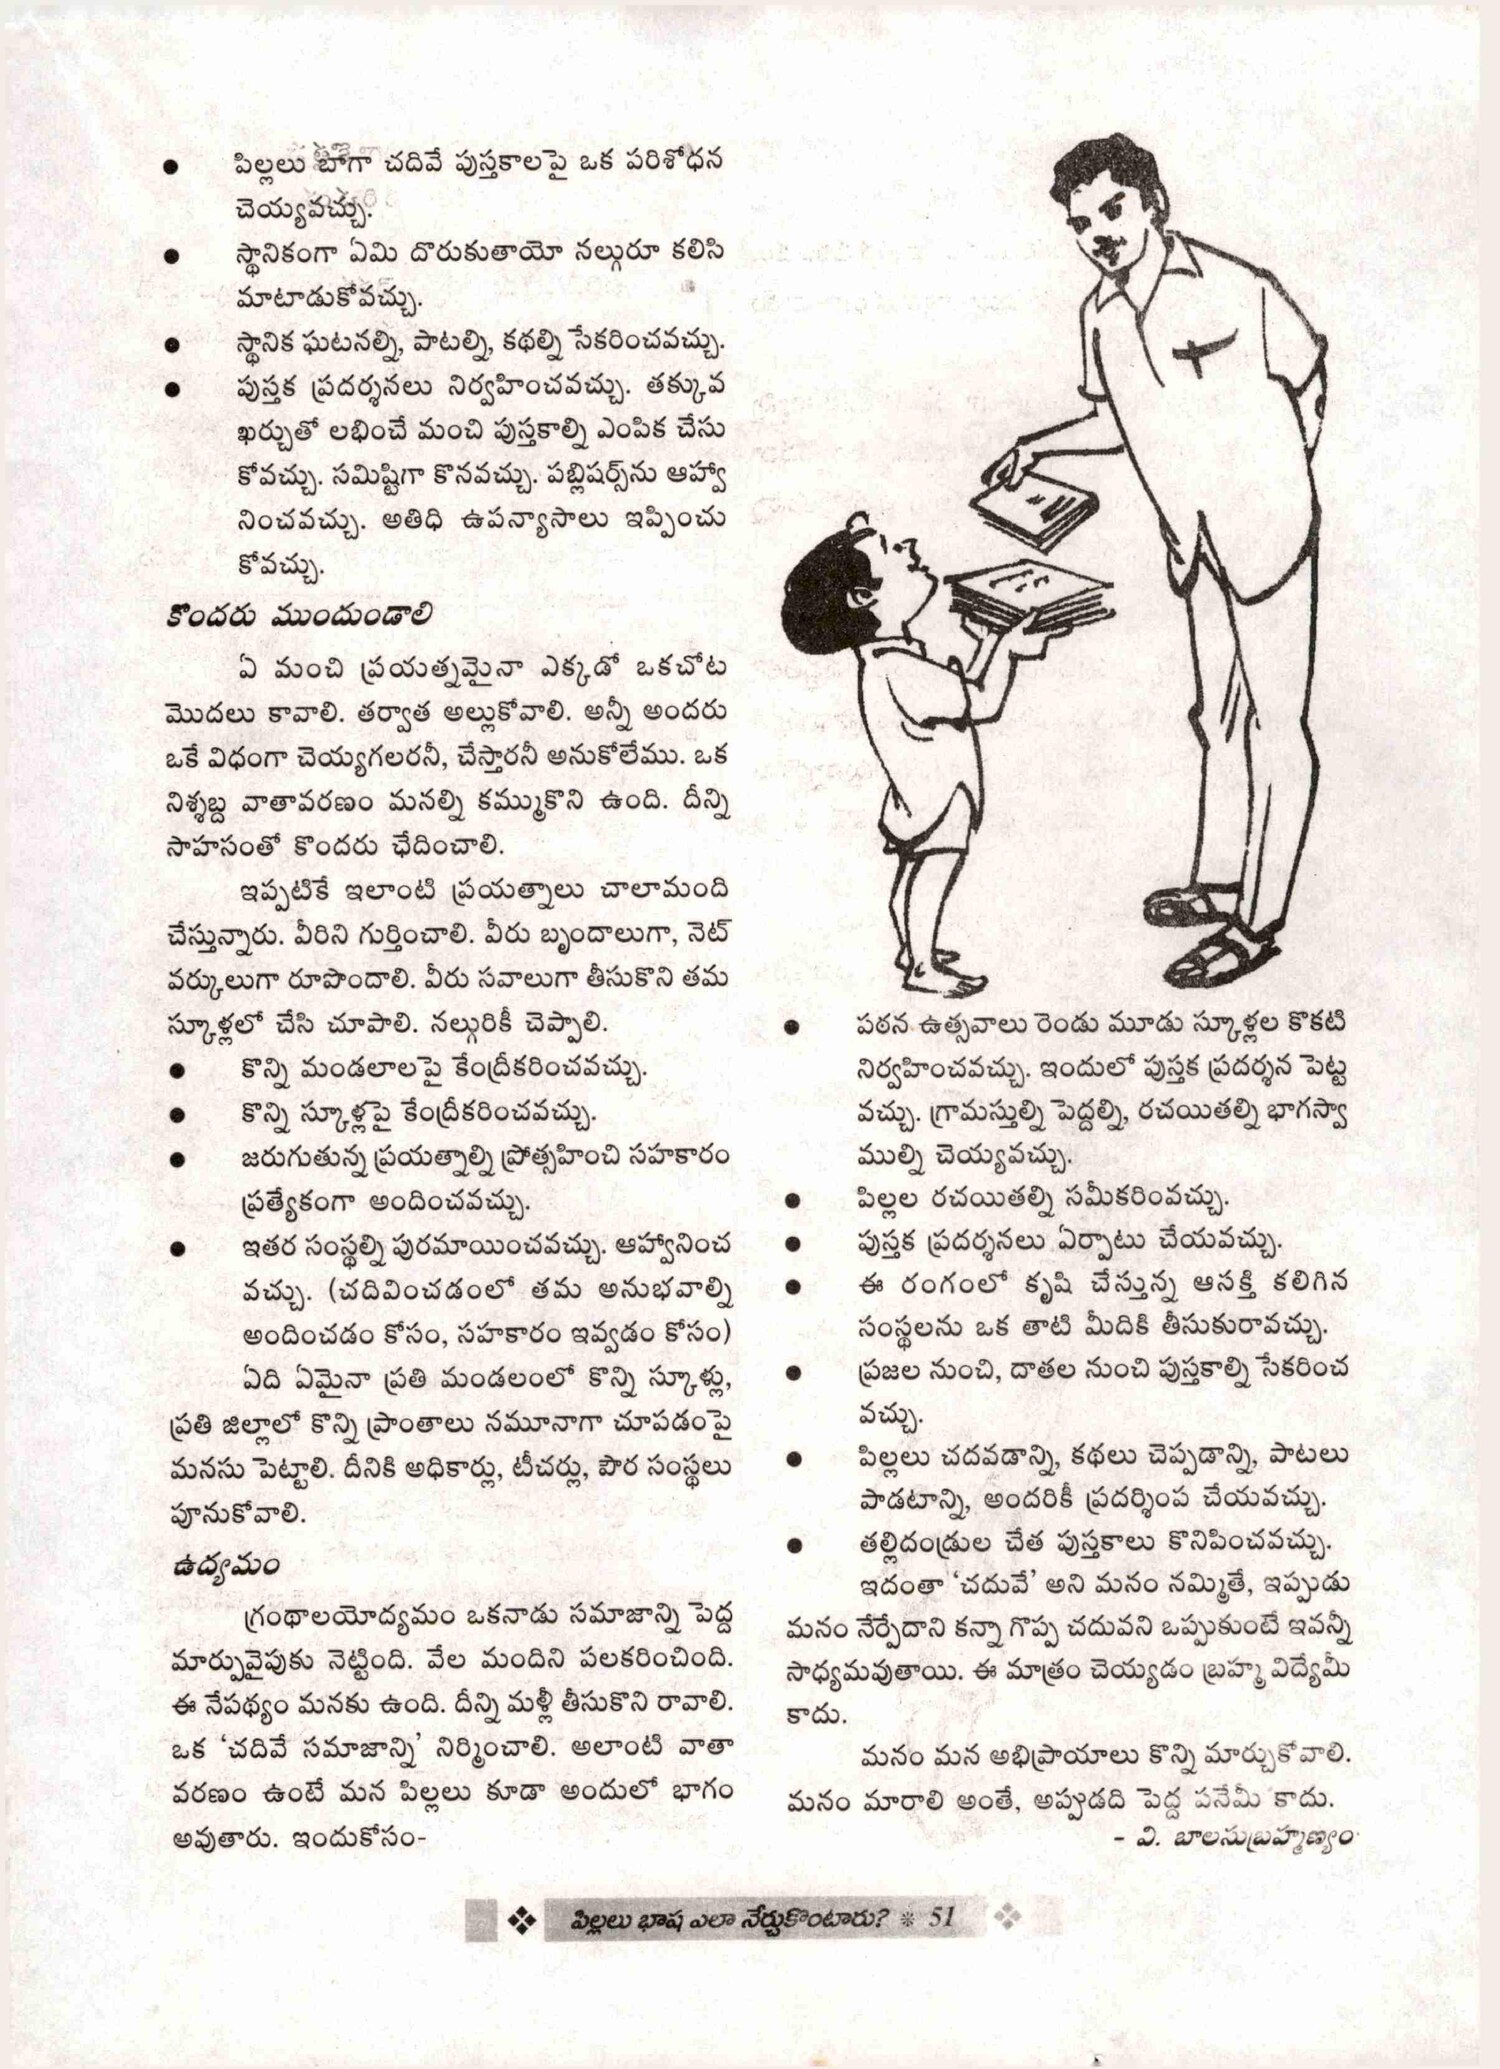● పిల్లలు బాగా చదివే పుస్తకాలపై ఒక పరిశోధన చెయ్యవచ్చు.

● స్థానికంగా ఏమి దొరుకుతాయో నల్గురూ కలిసి మాటాడుకోవచ్చు.

● స్థానిక ఘటనల్ని, పాటల్ని, కథల్ని సేకరించవచ్చు.

● పుస్తక ప్రదర్శనలు నిర్వహించవచ్చు. తక్కువ ఖర్చుతో లభించే మంచి పుస్తకాల్ని ఎంపిక చేసుకోవచ్చు. సమిష్టిగా కొనవచ్చు. పబ్లిషర్స్‌ను ఆహ్వానించవచ్చు. అతిధి ఉపన్యాసాలు ఇప్పించుకోవచ్చు.

కొందరు ముందుండాలి

ఏ మంచి ప్రయత్నమైనా ఎక్కడో ఒకచోట మొదలు కావాలి. తర్వాత అల్లుకోవాలి. అన్నీ అందరు ఒకే విధంగా చెయ్యగలరనీ, చేస్తారనీ అనుకోలేము. ఒక నిశ్శబ్ద వాతావరణం మనల్ని కమ్ముకొని ఉంది. దీన్ని సాహసంతో కొందరు ఛేదించాలి.

ఇప్పటికే ఇలాంటి ప్రయత్నాలు చాలామంది చేస్తున్నారు. వీరిని గుర్తించాలి. వీరు బృందాలుగా, నెట్‌వర్కులుగా రూపొందాలి. వీరు సవాలుగా తీసుకొని తమ స్కూళ్లలో చేసి చూపాలి. నల్గురికీ చెప్పాలి.

● కొన్ని మండలాలపై కేంద్రీకరించవచ్చు.

● కొన్ని స్కూళ్లపై కేంద్రీకరించవచ్చు.

● జరుగుతున్న ప్రయత్నాల్ని ప్రోత్సహించి సహకారం ప్రత్యేకంగా అందించవచ్చు.

● ఇతర సంస్థల్ని పురమాయించవచ్చు. ఆహ్వానించ వచ్చు. (చదివించడంలో తమ అనుభవాల్ని అందించడం కోసం, సహకారం ఇవ్వడం కోసం)

ఏది ఏమైనా ప్రతి మండలంలో కొన్ని స్కూళ్లు, ప్రతి జిల్లాలో కొన్ని ప్రాంతాలు నమూనాగా చూపడంపై మనసు పెట్టాలి. దీనికి అధికార్లు, టీచర్లు, పౌర సంస్థలు పూనుకోవాలి.

ఉద్యమం

గ్రంథాలయోద్యమం ఒకనాడు సమాజాన్ని పెద్ద మార్పువైపుకు నెట్టింది. వేల మందిని పలకరించింది. ఈ నేపథ్యం మనకు ఉంది. దీన్ని మళ్లీ తీసుకొని రావాలి. ఒక 'చదివే సమాజాన్ని' నిర్మించాలి. అలాంటి వాతావరణం ఉంటే మన పిల్లలు కూడా అందులో భాగం అవుతారు. ఇందుకోసం-

● పఠన ఉత్సవాలు రెండు మూడు స్కూళ్లల కొకటి నిర్వహించవచ్చు. ఇందులో పుస్తక ప్రదర్శన పెట్టవచ్చు. గ్రామస్తుల్ని పెద్దల్ని, రచయితల్ని భాగస్వాముల్ని చెయ్యవచ్చు.

● పిల్లల రచయితల్ని సమీకరింవచ్చు.

● పుస్తక ప్రదర్శనలు ఏర్పాటు చేయవచ్చు.

● ఈ రంగంలో కృషి చేస్తున్న ఆసక్తి కలిగిన సంస్థలను ఒక తాటి మీదికి తీసుకురావచ్చు.

● ప్రజల నుంచి, దాతల నుంచి పుస్తకాల్ని సేకరించ వచ్చు.

● పిల్లలు చదవడాన్ని, కథలు చెప్పడాన్ని, పాటలు పాడటాన్ని, అందరికీ ప్రదర్శింప చేయవచ్చు.

● తల్లిదండ్రుల చేత పుస్తకాలు కొనిపించవచ్చు.

ఇదంతా 'చదువే' అని మనం నమ్మితే, ఇప్పుడు మనం నేర్పేదాని కన్నా గొప్ప చదువని ఒప్పుకుంటే ఇవన్నీ
సాధ్యమవుతాయి. ఈ మాత్రం చెయ్యడం బ్రహ్మ విద్యేమీ కాదు.

మనం మన అభిప్రాయాలు కొన్ని మార్చుకోవాలి. మనం మారాలి అంతే, అప్పుడది పెద్ద పనేమీ కాదు.